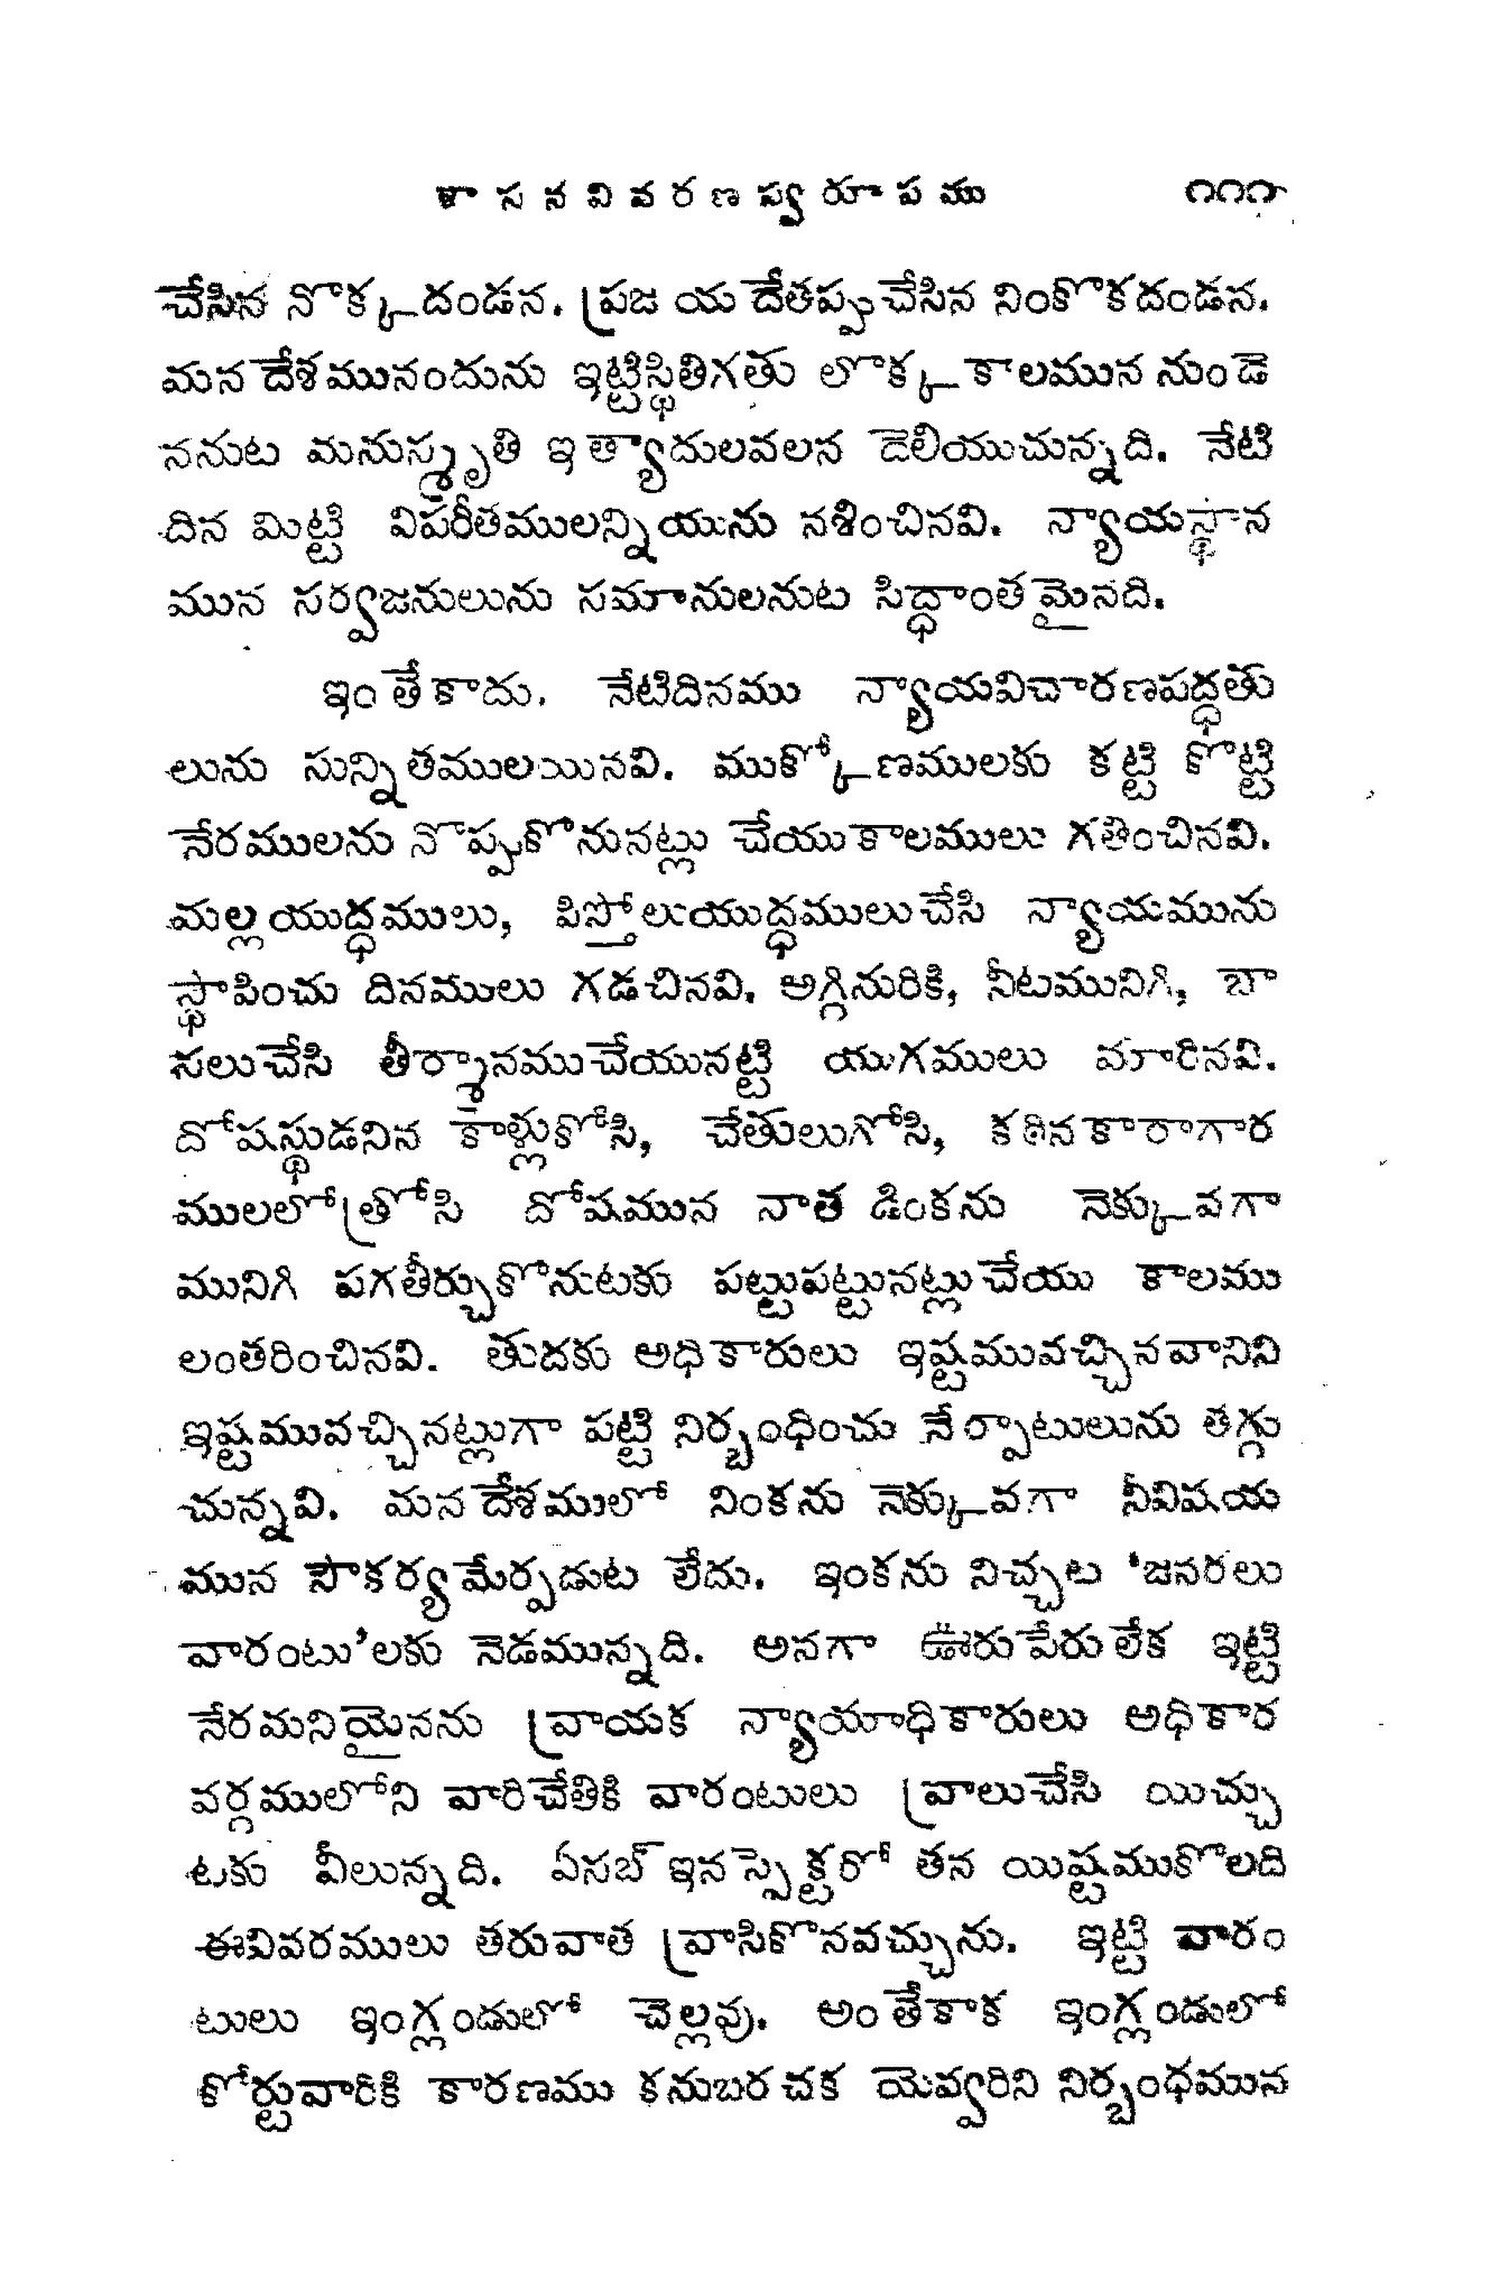చేసిన నొక్కదండన. ప్రజ యదేతప్పుచేసిన నింకొకదండన. మనదేశమునందును ఇట్టిస్థితిగతు లొక్క కాలమున నుండెననుట మనుస్మృతి ఇత్యాదులవలన దెలియుచున్నది. నేటిదిన మిట్టి విపరీతము లన్నియును నశించినవి. న్యాయస్థానమున సర్వజనులును సమానులనుట సిద్ధాంతమైనది.

ఇంతేకాదు. నేటిదినము న్యాయవిచారణపద్ధతులును సున్నితములయినవి. ముక్కోణములకు కట్టి కొట్టి నేరములను నొప్పుకొనునట్లు చేయుకాలములు గతించినవి. మల్లయుద్ధములు, పిస్తోలు యుద్ధములుచేసి న్యాయమును స్థాపించు దినములు గడచినవి. అగ్గినురికి, నీటమునిగి, బాసలుచేసి తీర్శానముచేయునట్టి యుగములు మారినవి. దోషస్థుడనిన కాళ్లుకోసి, చేతులుగోసి, కఠినకారాగార
ములలోత్రోసి దోషమున నాత డింకను నెక్కువగా మునిగి పగతీర్చుకొనుటకు పట్టుపట్టునట్లుచేయు కాలము లంతరించినవి. తుదకు అధికారులు ఇష్టమువచ్చినవానిని ఇష్టమువచ్చినట్లుగా పట్టి నిర్బంధించు నేర్పాటులును తగ్గుచున్నవి. మనదేశములో నింకను నెక్కువగా నీవిషయమున సౌకర్యమేర్పడుట లేదు. ఇంకను నిచ్చట 'జనరలు వారంటు'లకు నెడమున్నది. అనగా ఊరుపేరులేక ఇట్టి నేరమనియైనను వ్రాయక న్యాయాధికారులు అధికారవర్గములోని వారిచేతికి వారంటులు వ్రాలుచేసి యిచ్చుటకు వీలున్నది. ఏసబ్ ఇనస్పెక్టరో తన యిష్టముకొలది ఈవివరములు తరువాత వ్రాసికొనవచ్చును. ఇట్టి వారంటులు ఇంగ్లండులో చెల్లవు. అంతేకాక ఇంగ్లండులో కోర్టువారికి కారణము కనుబరచక యెవ్వరిని నిర్బంధమున